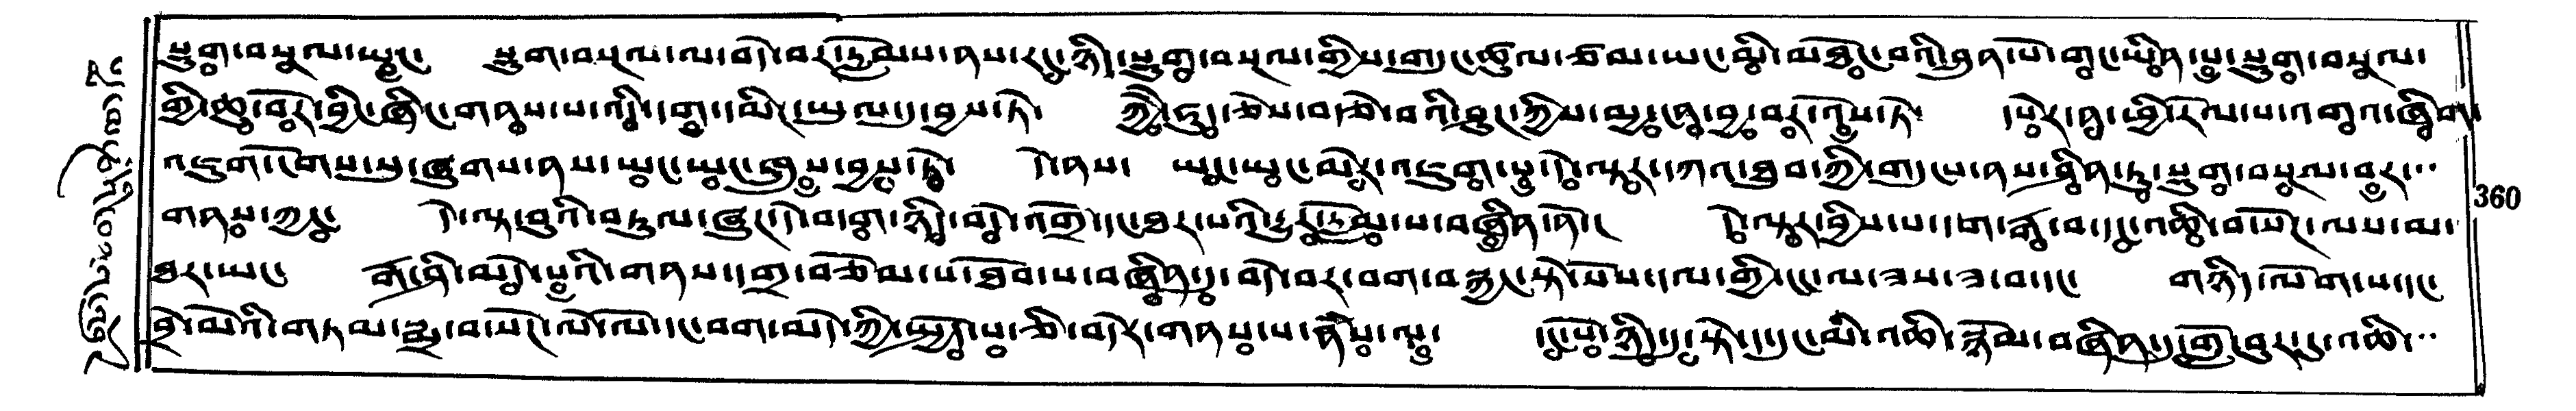སྡུག་བསྔལ་ཡང་། སྡུག་བསྔལ་ལ་བདེ་བར་རློམ་ནས་རང་ཉིད་སྡུག་བསྔལ་གྱིས་གདུངས་ཚུལ་ཙམ་ཡང་མི་མཐོང་བའི་བླུན་པོ་གང་ཡིན་པ་སྡུག་བསྔལ་
གྱི་ཆུ་བོར་བྱིང་ཞིང་གནས་པ་འདི་དག་དམིགས་ཡུལ་དུ་བྱས་ཏེ། ཀྱི་ཧུད་ཅེས་བརྩེ་བའི་ཤུགས་ཀྱིས་མྱ་ངན་བྱ་བར་འོས་ཏེ། དཔེར་ན་ཕྱི་རོལ་པ་འགའ་ཞིག་
འཇུག་ངོགས་སུ་ཞུགས་ནས་ཡང་ཡང་ཁྲུས་བྱས་ཏེ། དེ་ནས་ཡང་ཡང་མེར་འཇུག་པ་དེ་ལྟར་དཀའ་ཐུབ་ཀྱིས་གདུངས་ནས་ཤིན་ཏུ་སྡུག་བསྔལ་བར་
གནས་ཀྱང་། དེ་ལྟ་བུའི་བརྟུལ་ཞུགས་དེ་བདག་ཉིད་བདེ་འགྲོ་དང་ཐར་པའི་རྒྱུར་རློམ་པ་བཞིན་ནོ།། དེ་ལྟར་བྱིས་པ་དག་རྒ་བ་དང་འཆི་བ་སོགས་ལས་མ་
ཐར་ཡང་། རྒ་ཤི་མེད་པའི་གནས་དགྲ་བཅོམ་པ་ཐོབ་པ་བཞིན་དུ་བདེ་བར་བག་བསྐྱངས་ཏེ་སོས་དལ་གྱི་ངང་ལ་ཟས་ཟ་བ་དང་། གཉིད་ལོག་པ་དང་
བྲེ་མོའི་གཏམ་སྨྲ་བ་སོགས་ལེ་ལོ་དང་བག་མེད་ཀྱི་སྤྱོད་པ་ལ་ཅི་བདེར་གནས་པ་རྣམས་ལ།དང་པོ་ཉིད་དུ་སྟེ་ད་དུང་མི་འཆི་སྙམ་བཞིན་དུ་གློ་བུར་དུ་འཆི་